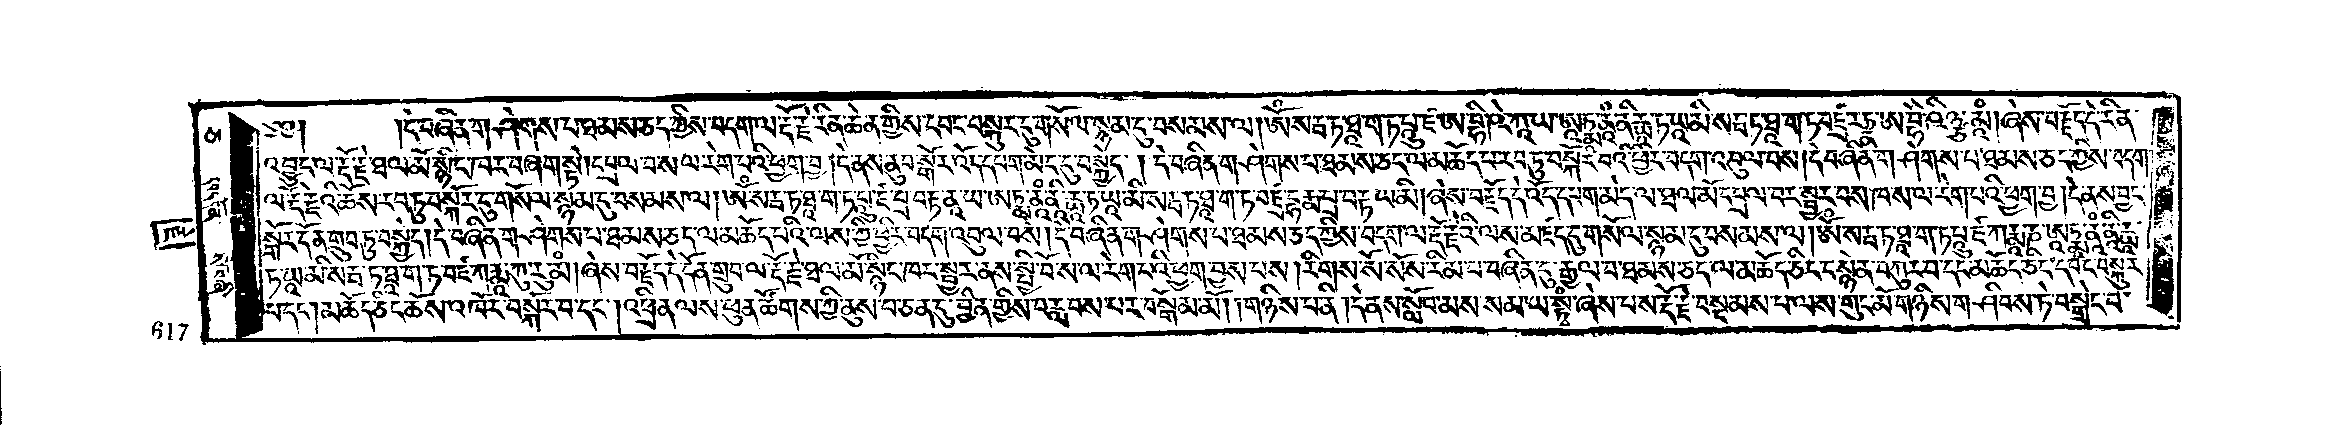༄༅། །དེ་བཞིན་གཤེགས་པ་ཐམས་ཅད་ཀྱིས་བདག་ལ་རྡོ་རྗེ་རིན་ཆེན་གྱིས་དབང་བསྐུར་དུ་གསོལ་སྙམ་དུ་བསམས་ལ། ཨོཾ་སརྦ་ཏ་ཐཱ་ག་ཏ་པཱུ་ཛ་ཨ་བྷི་ཥེ་ཀཱ་ཡ་ཨཱཏྨཱ་ནཱཾ་ནི་རྱཱ་ཏ་ཡཱ་མི་སརྦ་ཏ་ཐཱ་ག་ཏ་བཛྲ་རཏྣ་ཨ་བྷི་ཥིཉྩ་མཱཾ། ཞེས་བརྗོད་དེ་རིན་
འབྱུང་ལ་རྡོ་རྗེ་ཐལ་མོ་སྙིང་ཁར་བཞག་སྟེ། དཔྲལ་བ་ས་ལ་རེག་པའི་ཕྱག་བྱ། དེ་ནས་ནུབ་སྒོར་འོད་དཔག་མེད་དུ་བསྐྱེད། དེ་བཞིན་གཤེགས་པ་ཐམས་ཅད་ལ་མཆོད་པ་རབ་ཏུ་བསྐོར་བའི་ཕྱིར་བདག་འབུལ་བས། དེ་བཞིན་གཤེགས་པ་ཐམས་ཅད་ཀྱིས་བདག་
ལ་རྡོ་རྗེའི་ཆོས་རབ་ཏུ་བསྐོར་དུ་གསོལ་སྙམ་དུ་བསམས་ལ། ཨོཾ་སརྦ་ཏ་ཐཱ་ག་ཏ་པཱུ་ཛ་པྲ་བརྟ་ནཱ་ཡ་ཨཏྨཱ་ནཱཾ་ནཱི་རྱཱ་ཏ་ཡཱ་མི་སརྦ་ཏ་ཐཱ་ག་ཏ་བཛྲ་དྷརྨ་པྲ་བརྟ་ཡ་མི། ཞེས་བརྗོད་དེ་འོད་དཔག་མེད་ལ་ཐལ་མོ་དཔྲལ་བར་སྦྱར་བས་ཁ་ས་ལ་རེག་པའི་ཕྱག་བྱ། དེ་ནས་བྱང་
སྒོར་དོན་གྲུབ་ཏུ་བསྐྱེད། དེ་བཞིན་གཤེགས་པ་ཐམས་ཅད་ལ་མཆོད་པའི་ལས་ཀྱི་ཕྱིར་བདག་འབུལ་བས། དེ་བཞིན་གཤེགས་པ་ཐམས་ཅད་ཀྱིས་བདག་ལ་རྡོ་རྗེའི་ལས་མཛད་དུ་གསོལ་སྙམ་དུ་བསམས་ལ། ཨོཾ་སརྦ་ཏ་ཐཱ་ག་ཏ་པཱུ་ཛ་ཀརྨཱ་ཎ་ཨཱཏྨཱ་ནཱཾ་ནཱི་རྱཱ་
ཏ་ཡཱ་མི་སརྦ་ཏ་ཐཱ་ག་ཏ་བཛྲ་ཀརྨཱ་ཀུ་རུ་མཾ། ཞེས་བརྗོད་དེ་དོན་གྲུབ་ལ་རྡོ་རྗེ་ཐལ་མོ་སྙིང་ཁར་སྦྱར་ནས་སྤྱི་བོ་ས་ལ་རེག་པའི་ཕྱག་བྱས་པས། རིགས་སོ་སོས་རིམ་པ་བཞིན་དུ་རྒྱལ་བ་ཐམས་ཅད་ལ་མཆོད་ཅིང་བསྙེན་བཀུར་བ་དང་མཆོད་ཅིང་དབང་བསྐུར་
པ་དང་། མཆོད་ཅིང་ཆོས་འཁོར་བསྐོར་བ་དང་། འཕྲིན་ལས་ཕུན་ཚོགས་ཀྱི་ནུས་པ་ཅན་དུ་བྱིན་གྱིས་བརླབས་པར་བསྒོམ་མོ། །གཉིས་པ་ནི། དེ་ནས་སློབ་མས་ས་མ་ཡ་སྟྭཾ་ཞེས་པས་རྡོ་རྗེ་བསྡམས་པ་ལས་གུང་མོ་གཉིས་གཤིབས་ཏེ་བསྒྲེང་བ་